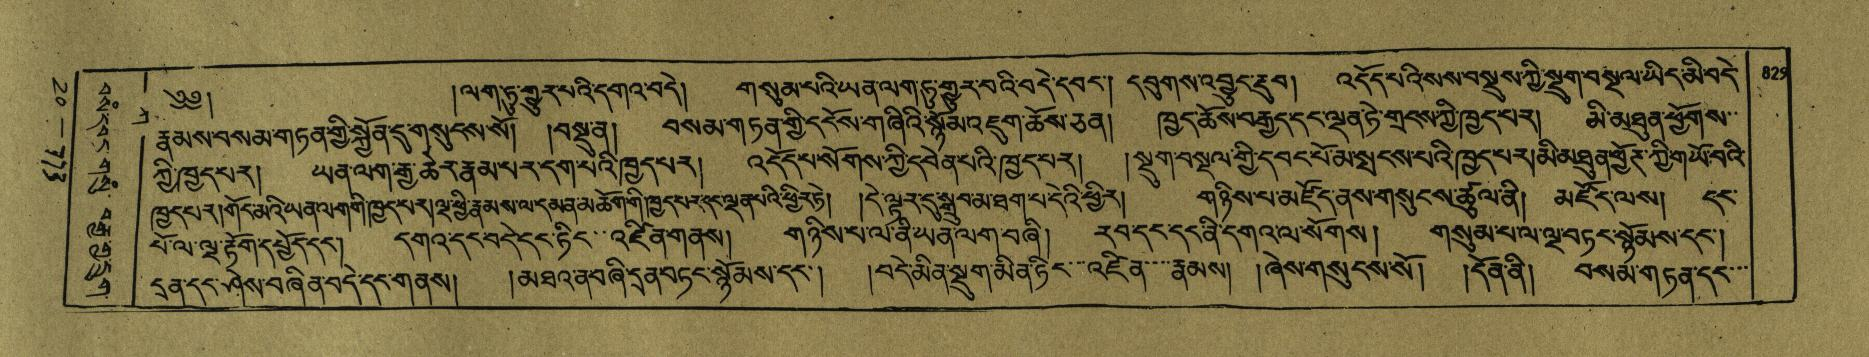༄༅། །ལག་ཏུ་གྱུར་པའི་དགའ་བདེ། གསུམ་པའི་ཡན་ལག་ཏུ་གྱུར་བའི་བདེ་དབང་། དབུགས་འབྱུང་རྡུབ། འདོད་པའི་སས་བསྡུས་ཀྱི་སྡུག་བསྔལ་ཡིད་མི་བདེ་
རྣམས་བསམ་གཏན་གྱི་སྐྱོན་དུ་གསུངས་སོ། །བསྡུ་ན། བསམ་གཏན་གྱི་དངོས་གཞིའི་སྙོམ་འཇུག་ཆོས་ཅན། ཁྱད་ཆོས་བརྒྱད་དང་ལྡན་ཏེ་གྲངས་ཀྱི་ཁྱད་པར། མི་མཐུན་ཕྱོགས་
ཀྱི་ཁྱད་པར། ཡན་ལག་རྒྱ་ཆེར་རྣམ་པར་དག་པའི་ཁྱད་པར། འདོད་པ་སོགས་ཀྱི་དབེན་པའི་ཁྱད་པར། །སྡུག་བསྔལ་གྱི་དབང་པོ་མ་སྤངས་པའི་ཁྱད་པར། མི་མཐུན་ཕྱོགས་ཀྱི་གཡོ་བའི་
ཁྱད་པར། གོང་མའི་ཡན་ལག་གི་ཁྱད་པར། ལྔ་ཕྱི་རྣམས་ལ་དམན་མཆོག་གི་ཁྱད་པར་དང་ལྡན་པའི་ཕྱིར་ཏེ། །དེ་ལྟར་དུ་སྒྲུབ་མ་ཐག་པ་དེའི་ཕྱིར། གཉིས་པ་མཛོད་ནས་གསུངས་ཚུལ་ནི། མཛོད་ལས། དང་
པོ་ལ་ལྔ་རྟོག་དཔྱོད་དང་། དགའ་དང་བདེ་དང་ཏིང་འཛིན་གནས། གཉིས་པ་ལ་ནི་ཡན་ལག་བཞི། རབ་དང་དང་ནི་དགའ་ལ་སོགས། གསུམ་པ་ལ་ལྔ་བཏང་སྙོམས་དང་།
དྲན་དང་ཤེས་བཞིན་བདེ་དང་གནས། །མཐའ་ན་བཞི་དྲན་བཏང་སྙོམས་དང་། །བདེ་མིན་སྡུག་མིན་ཏིང་འཛིན་རྣམས། །ཞེས་གསུངས་སོ། །དོན་ནི། བསམ་གཏན་དང་